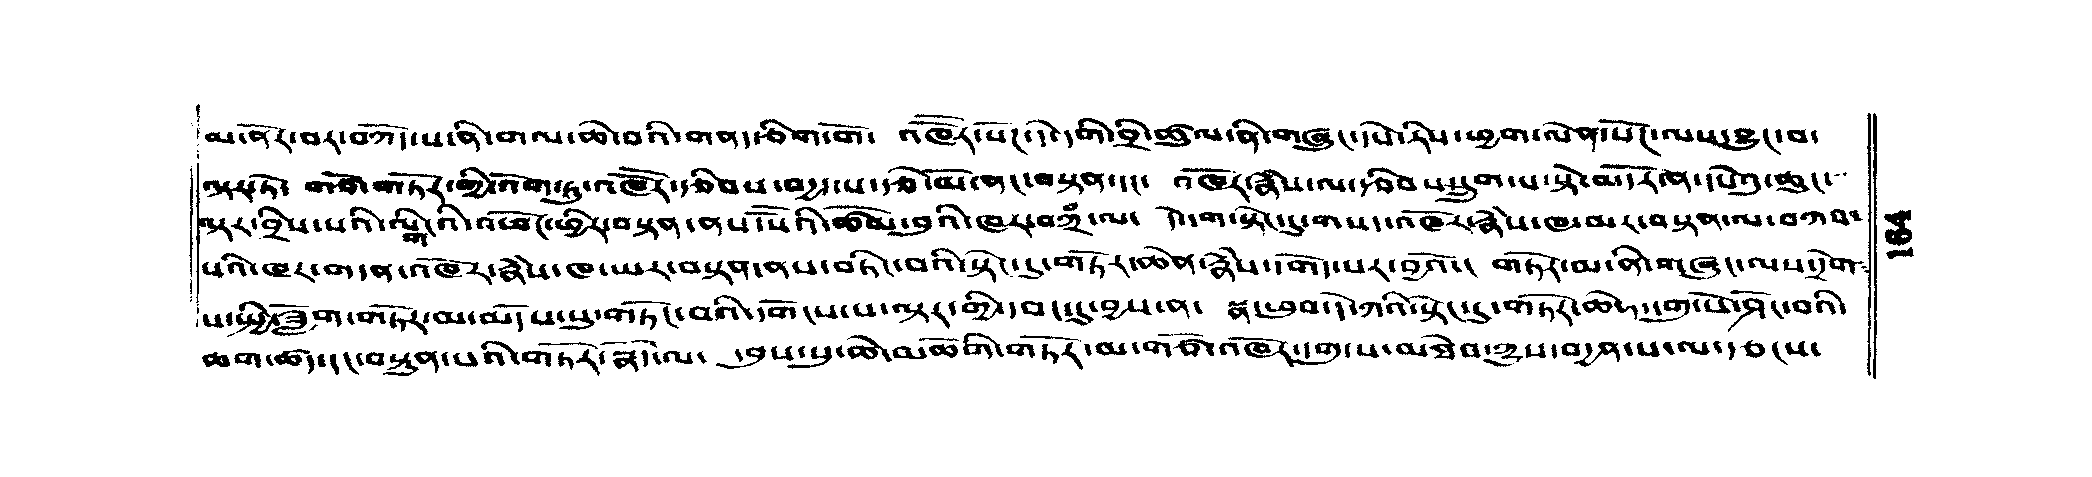མ་ནོར་བར་བཀོད་པ་ནི་གལ་ཆེ་བའི་གནད་ཅིག་གོ་འཁོར་ལོ་སོགས་དེ་དག་གི་བྲི་ཚུལ་ནི་གཞུང་དཔེ་རིས་ཕྱག་ལེན་སོགས་ལས་བྱུང་བ་
ལྟར་ཏེ། གཙོ་གཏོར་གྱི་འོག་ཏུ་འཁོར་ལོ་རྩིབས་བརྒྱད་པ་རྩེ་མོ་ནང་བསྟན་དང་། འཁོར་ལོ་རྣམས་ལ་རྩིབས་དྲུག་པ་སྟེ་མདོར་ན་དཔེའུ་ཆུང་
ལྟར་བྲིས་པའི་ལིངྒའི་འཕོང་ཕྱིར་བསྟན་ནས་སོ་སོའི་ཚོམ་བུའི་ཁར་བཀྲམ་ལ། དེ་དག་སྟེང་དུ་གསད་འཁོར་རྣམས་ཁ་མར་བསྟན་ལ་བཀབ་
པའི་ཁར་གདན་འཁོར་རྣམས་ཁ་ཡར་བསྟན་ནས་བཏིང་བའི་སྟེང་དུ་གཏོར་ཆེན་རྣམས་དགོད་པར་བྱའོ། གཏོར་མ་ནི་གཞུང་ལས་དྲེག་
པ་སྤྱི་བཟློག་གཏོར་མ་མདོས་སུ་གཏོང་བའི་དགོངས་པ་ལྟར་གྱི་དབང་དུ་བྱས་ན། སྣ་ཕུབ་དེ་ཀའི་སྟེང་དུ་གཏོར་ཆེན་དགུ་པོ་ཤོང་བའི་
ཆག་ཚད་དང་བསྟུན་པའི་གཏོར་སྣོད་ལ།དབུས་སུ་ཆེ་མཆོག་གི་གཏོར་མ་གཙོ་འཁོར་དགུ་པ་མཐེབ་ཀྱུས་བརྒྱན་པ་ལ།